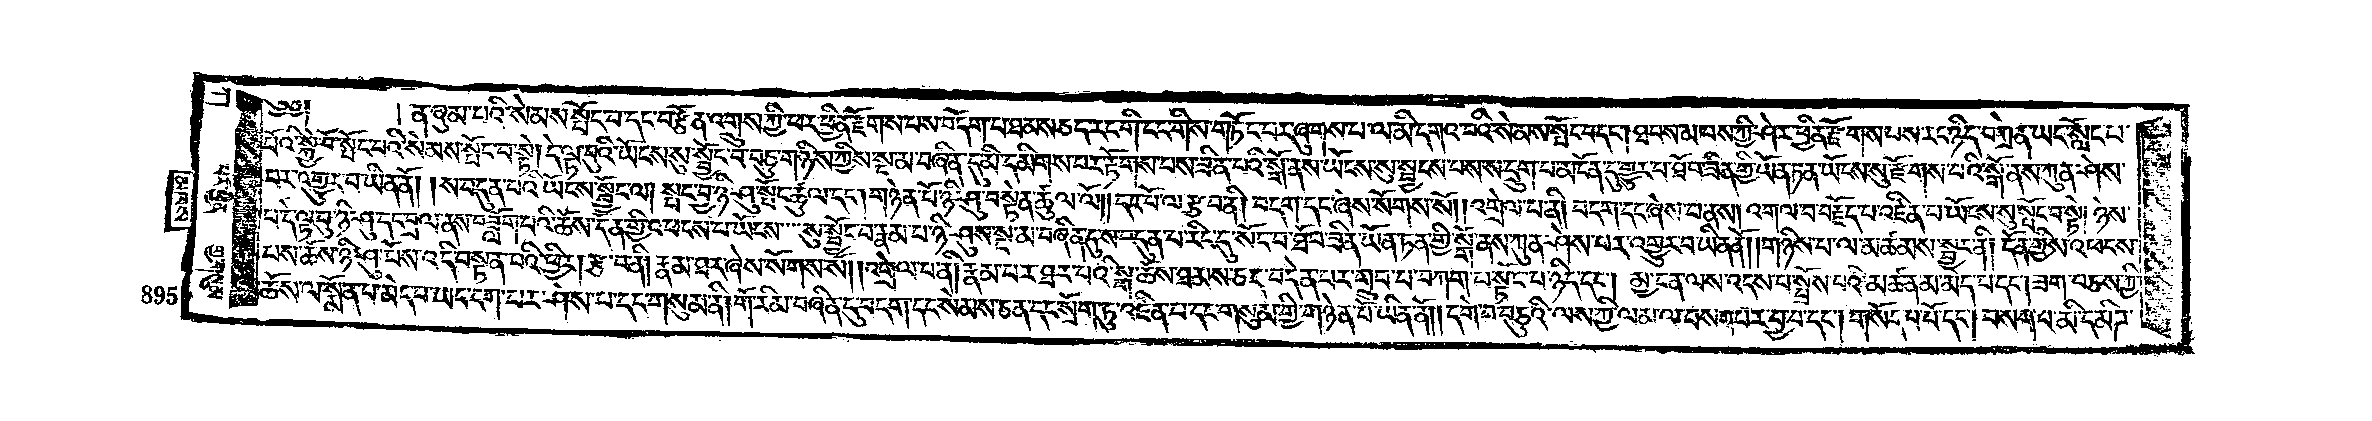༄༅། །ན་ཞུམ་པའི་སེམས་སྤོང་བ་དང་བརྩོན་འགྲུས་ཀྱི་ཕར་ཕྱིན་རྫོགས་པས་བདོག་པ་ཐམས་ཅད་རང་གི་ངང་གིས་གཏོང་བར་ཞུགས་པ་ལ་མི་དགའ་བའི་སེམས་སྤོང་བ་དང་། ཐབས་མཁས་ཀྱི་ཤེར་ཕྱིན་རྫོགས་པས་རང་ཉིད་བཀྲེན་ཡང་སློང་བ་
པོའི་སྐྱེ་བོ་སྤོང་པའི་སེམས་སྤོང་བ་སྟེ། དེ་ལྟ་བུའི་ཡོངས་སུ་སྦྱོང་བ་བཅུ་གཉིས་ཀྱིས་སྔ་མ་བཞིན་དུ་མི་དམིགས་པར་རྟོགས་པས་ཟིན་པའི་སྒོ་ནས་ཡོངས་སུ་སྦྱངས་པས་ས་དྲུག་པ་མངོན་དུ་གྱུར་པ་ཐོབ་ཟིན་གྱི་ཡོན་ཏན་ཡོངས་སུ་རྫོགས་པའི་སྒོ་ནས་ཀུན་ཤེས་
པར་འགྱུར་བ་ཡིན་ནོ། །ས་བདུན་པའི་ཡོངས་སྦྱོང་ལ། སྤང་བྱ་ཉི་ཤུ་སྤོང་ཚུལ་དང་། གཉེན་པོ་ཉི་ཤུ་བསྟེན་ཚུལ་ལོ། །དང་པོ་ལ་རྩ་བ་ནི། བདག་དང་ཞེས་སོགས་སོ། །འགྲེལ་པ་ནི། བདག་དང་ཞེས་པ་ནས། འགལ་བ་བརྗོད་པ་འཛིན་པ་ཡོངས་སུ་སྤོང་བ་སྟེ། ཉེས་
པ་དེ་ལྟ་བུ་ཉི་ཤུ་དང་བྲལ་ནས་བཟློག་པའི་ཆོས་དོན་གྱི་འཕངས་པ་ཡོངས་སུ་སྦྱོང་བ་རྣམ་པ་ཉི་ཤུས་སྔ་མ་བཞིན་དུ་ས་བདུན་པ་རིང་དུ་སོང་བ་ཐོབ་ཟིན་ཡོན་ཏན་གྱི་སྒོ་ནས་ཀུན་ཤེས་པར་འགྱུར་བ་ཡིན་ནོ། །གཉིས་པ་ལ་མཚམས་སྦྱར་ནི། དོན་གྱིས་འཕངས་
པས་ཆོས་ཉི་ཤུ་པོས་འདི་བསྟན་པའི་ཕྱིར། རྩ་བ་ནི། རྣམ་ཐར་ཞེས་སོགས་སོ། །འགྲེལ་པ་ནི། རྣམ་པར་ཐར་པའི་སྒོ་ཆོས་ཐམས་ཅད་བདེན་པར་གྲུབ་པ་བཀག་པ་སྟོང་པ་ཉིད་དང་། མྱ་ངན་ལས་འདས་པ་སྤྲོས་པའི་མཚན་མ་མེད་པ་དང་། ཟག་བཅས་ཀྱི་
ཆོས་ལ་སྨོན་པ་མེད་པ་ཡང་དག་པར་ཤེས་པ་དང་གསུམ་ནི། གོ་རིམ་བཞིན་དུ་བདག་དང་སེམས་ཅན་དང་སྲོག་ཏུ་འཛིན་པ་དང་གསུམ་གྱི་གཉེན་པོ་ཡིན་ནོ། །དགེ་བ་བཅུའི་ལས་ཀྱི་ལམ་ལ་བསག་པར་བྱ་བ་དང་། གསོད་པ་པོ་དང་། བསག་པ་མི་དམིགས་